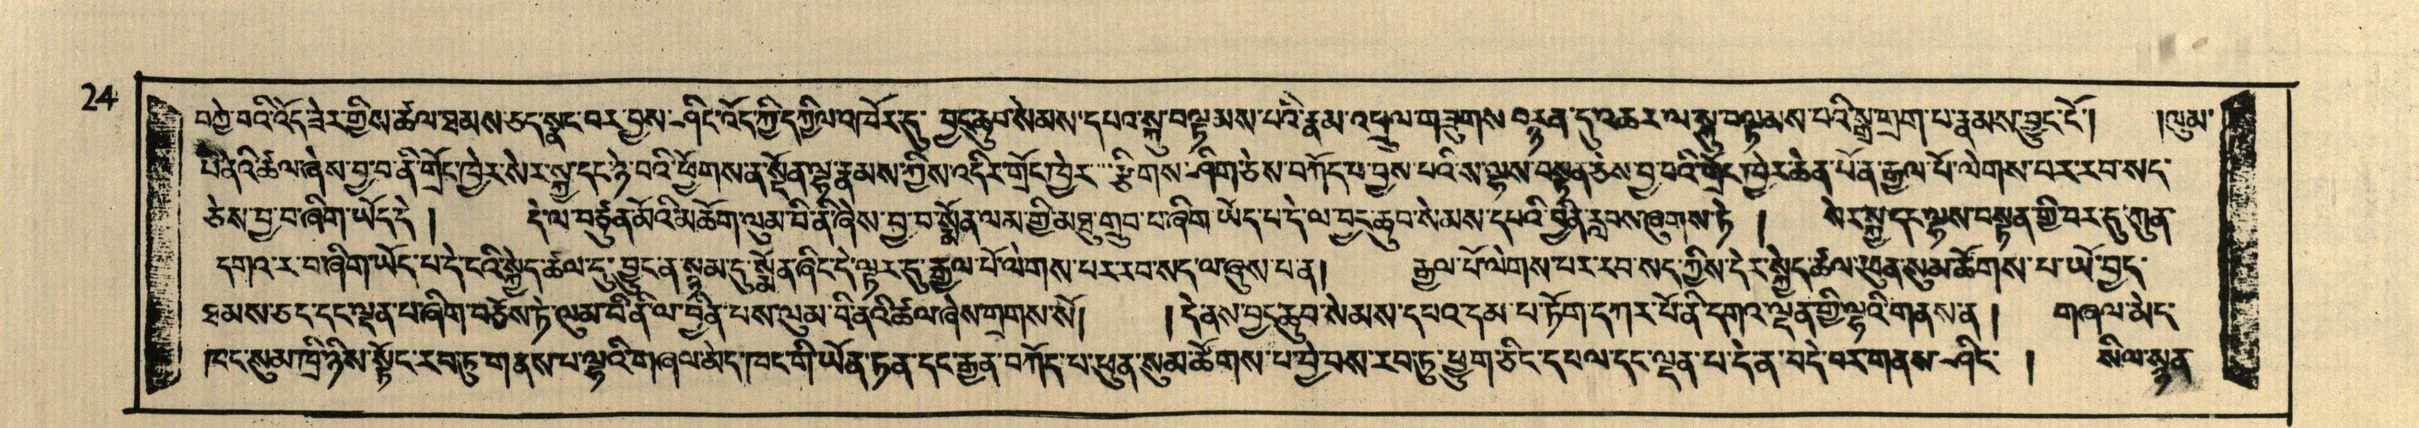བཀྱེ་བའི་འོད་ཟེར་གྱིས་ཚལ་ཐམས་ཅད་སྣང་བར་བྱས་ཤིང་འོད་ཀྱི་དཀྱིལ་འཁོར་དུ་བྱང་ཆུབ་སེམས་དཔའ་སྐུ་བལྟམས་པའི་རྣམ་འཕྲུལ་གཟུགས་བརྙན་དུ་འཆར་ལ་སྐུ་བལྟམས་པའི་སྒྲ་གྲག་པ་རྣམས་བྱུང་ངོ། །ལུམ་
པ་ནའི་ཚལ་ཞེས་བྱ་བ་ནི་གྲོང་ཁྱེར་སེར་སྐྱ་དང་ཉེ་བའི་ཕྱོགས་ན་སྔོན་ལྷ་རྣམས་ཀྱིས་འདིར་གྲོང་ཁྱེར་རྩིགས་ཤིག་ཅེས་བཀོད་པ་བྱས་པའི་ས་ལྷས་བསྟན་ཅེས་བྱ་བའི་གྲོང་ཁྱེར་ཆེན་པོ་ན་རྒྱལ་པོ་ལེགས་པར་རབ་སད་
ཅེས་བྱ་བ་ཞིག་ཡོད་དེ་། དེ་ལ་བཙུན་མོའི་མཆོག་ལུམ་པི་ནི་ཞེས་བྱ་བ་སྨོན་ལམ་གྱི་མཐུ་གྲུབ་པ་ཞིག་ཡོད་པ་དེ་ལ་བྱང་ཆུབ་སེམས་དཔའི་བྱིན་རླབས་ཞུགས་ཏེ་། སེར་སྐྱ་དང་ལྷས་བསྟན་གྱི་བར་དུ་ཀུན་
དགའ་ར་བ་ཞིག་ཡོད་པ་དེ་ངའི་སྐྱེད་ཚལ་དུ་བྱུང་ན་སྙམ་དུ་སྨོན་ཞིང་དེ་ལྟར་དུ་རྒྱལ་པོ་ལེགས་པར་རབ་སད་ལ་ཞུས་པ་ན། རྒྱལ་པོ་ལེགས་པར་རབ་སད་ཀྱིས་དེར་སྐྱེད་ཚལ་ཕུན་སུམ་ཚོགས་པ་ཡོ་བྱད་
ཐམས་ཅད་དང་ལྡན་པ་ཞིག་བཅོས་ཏེ་ལུམ་བི་ནི་ལ་བྱིན་པས་ལུམ་བི་ནའི་ཚལ་ཞེས་གྲགས་སོ། །དེ་ནས་བྱང་ཆུབ་སེམས་དཔའ་དམ་པ་ཏོག་དཀར་པོ་ནི་དགའ་ལྡན་གྱི་ལྷའི་གནས་ན། གཞལ་མེད་
ཁང་སུམ་ཁྲི་ཉིས་སྟོང་རབ་ཏུ་གནས་པ་ལྷའི་གཞལ་མེད་ཁང་གི་ཡོན་ཏན་དང་རྒྱན་བཀོད་པ་ཕུན་སུམ་ཚོགས་པ་བྱེ་བས་རབ་ཏུ་ཕྱུག་ཅིང་དཔལ་དང་ལྡན་པ་དེ་ན་བདེ་བར་གནས་ཤིང་། སིལ་སྙན་